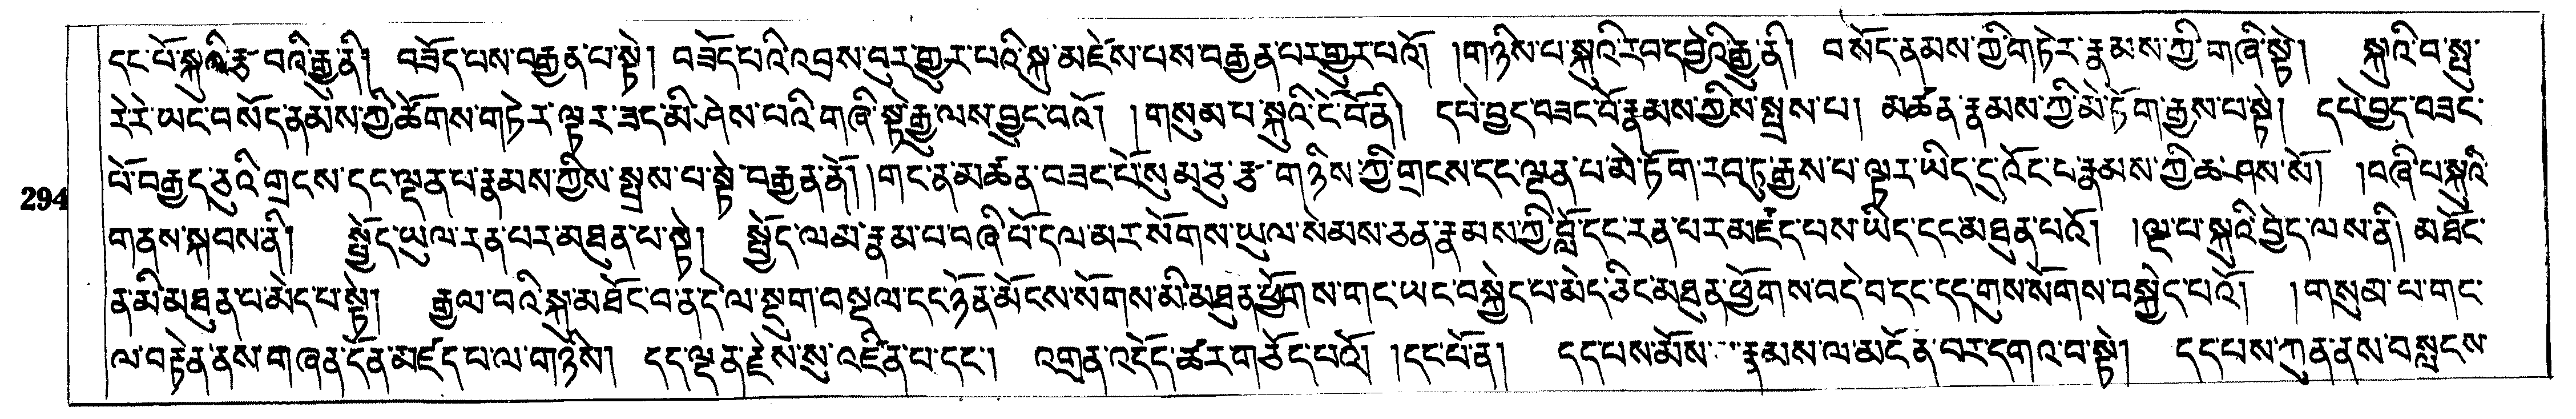དང་པོ་སྐུའི་རྩ་བའི་རྒྱུ་ནི། བཟོད་པས་བརྒྱན་པ་སྟེ། བཟོད་པའི་འབྲས་བུར་གྱུར་པའི་སྐུ་མཛེས་པས་བརྒྱན་པར་གྱུར་པའོ། །གཉིས་པ་སྐུའི་རབ་དབྱེའི་རྒྱུ་ནི། བསོད་ནམས་ཀྱི་གཏེར་རྣམས་ཀྱི་གཞི་སྟེ། སྐུའི་བ་སྤུ་
རེ་རེ་ཡང་བསོད་ནམས་ཀྱི་ཚོགས་གཏེར་ལྟར་ཟད་མི་ཤེས་པའི་གཞི་སྟེ་རྒྱུ་ལས་བྱུང་བའོ། །གསུམ་པ་སྐུའི་ངོ་བོ་ནི། དཔེ་བྱད་བཟང་པོ་རྣམས་ཀྱི་སྤྲས་པ། མཚན་རྣམས་ཀྱི་མེ་ཏོག་རྒྱས་པ་སྟེ། དཔེ་བྱད་བཟང་
པོ་བརྒྱད་ཅུའི་གྲངས་དང་ལྡན་པ་རྣམས་ཀྱིས་སྤྲས་པ་སྟེ་བརྒྱན་ནོ། །གང་ན་མཚན་བཟང་པོ་སུམ་ཅུ་རྩ་གཉིས་ཀྱི་གྲངས་དང་ལྡན་པ་མེ་ཏོག་རབ་ཏུ་རྒྱས་པ་ལྟར་ཡིད་དུ་འོང་བ་རྣམས་ཀྱི་ཆ་ཤས་སོ། །བཞི་པ་སྐུའི་
གནས་སྐབས་ནི། སྤྱོད་ཡུལ་རན་པར་མཐུན་པ་སྟེ། སྤྱོད་ལམ་རྣམ་པ་བཞི་པོ་དལ་མར་སོགས་ཡུལ་སེམས་ཅན་རྣམས་ཀྱི་བློ་དང་རན་པར་མཛད་པས་ཡིད་དང་མཐུན་པའོ། །ལྔ་པ་སྐུའི་བྱེད་ལས་ནི། མཐོང་
ན་མི་མཐུན་པ་མེད་པ་སྟེ། རྒྱལ་བའི་སྐུ་མཐོང་བ་ན་དེ་ལ་སྡུག་བསྔལ་དང་ཉོན་མོངས་སོགས་མི་མཐུན་ཕྱོགས་གང་ཡང་བསྐྱེད་པ་མེད་ཅིང་མཐུན་ཕྱོགས་བདེ་བ་དང་དད་གུས་སོགས་བསྐྱེད་པའོ། །གསུམ་པ་གང་
ལ་བརྟེན་ནས་གཞན་དོན་མཛད་པ་ལ་གཉིས། དད་ལྡན་རྗེས་སུ་འཛིན་པ་དང་། འགྲན་འདོད་ཚར་གཅོད་པའོ། །དང་པོ་ནི། དད་པས་མོས་པ་རྣམས་ལ་མངོན་པར་དགའ་བ་སྟེ། དད་པས་ཀུན་ནས་བསླངས་